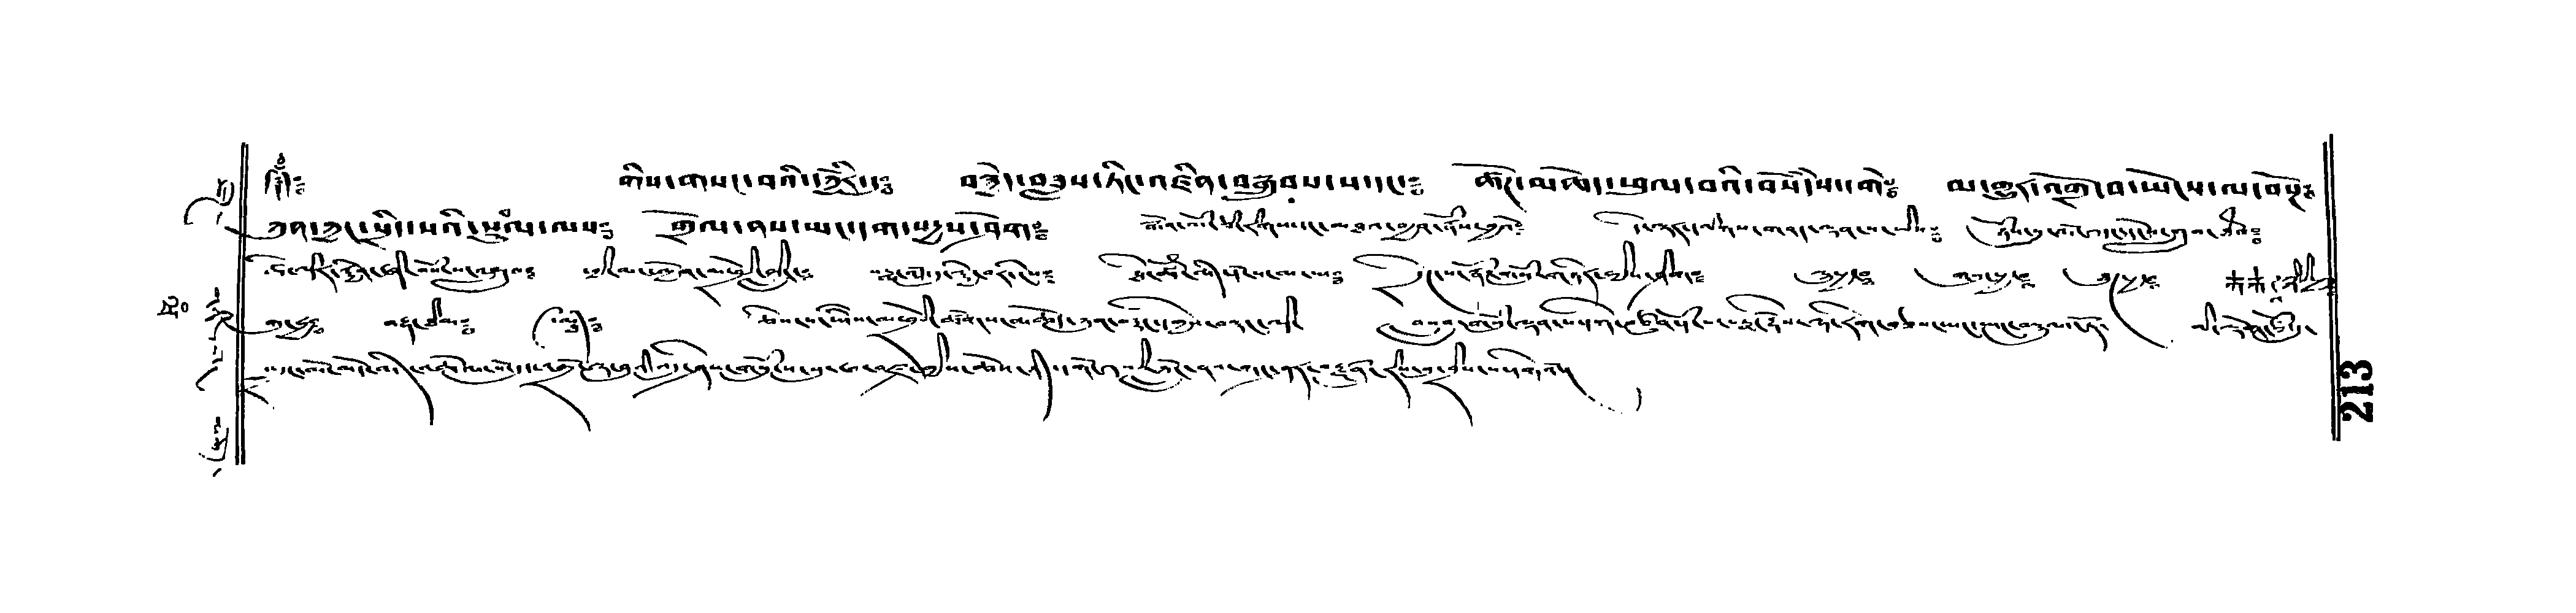གིས་གསང་བའི་དཀྱིལ་འཁོར་དུ༔ བསྐྱེད་བཟླས་ཏིང་འཛིན་བསྒྲུབས་པ་དང༔ ཚོགས་མཆོད་ཕུལ་བའི་བསོད་ནམས་དགེ༔ མ་གྱུར་འགྲོ་བ་ཡོངས་ལ་བསྔོ༔ 
ཀུན་ཀྱང་སྲིད་པའི་སྡུག་བསྔལ་ལས༔ གྲོལ་ནས་ཡང་དག་སངས་རྒྱས་ཤོག༔ སྨོན་ལམ་ཅི་རིགས་དང་མཐའ་བརྒྱན་རྣམས་བྱའོ༔ དེ་ལྟར་དམིགས་གནད་ལྡན་པ་ཡིས༔ ཉམས་སུ་ལོངས་དང་དངོས་གྲུབ་འཐོབ༔ 
ཚེ་འདིར་རྐྱེན་ཞི་བསམ་པ་འགྲུབ༔ ཕྱི་མ་ཨོ་རྒྱན་མཁའ་འགྲོའི་གླིང༔ པདྨ་འོད་དུ་སྐྱེ་བར་ངེས༔ ཐེ་ཚོམ་མེད་དོ་ས་མ་ཡ༔ དྲེགས་པ་རྣམ་གསུམ་གཉེར་གྱིས་ཤིག༔ སྐུ་རྒྱ༔ གསུང་རྒྱ༔ ཐུགས་རྒྱ༔ ཌཱཀྐིའི་རྒྱ༔ 
གུ་ཧྱ༔ བརྡ་ཐིམ༔ ༔ ཅེས་པ་ཡེ་ཤེས་མཁའ་འགྲོའི་ཚོགས་མཆོད་ཀུན་བཟང་དགྱེས་བསྐང་འདི། བསླབ་གསུམ་ལྡན་པ་དགེ་བཙུན་དམ་པ་པདྨ་རྡོ་རྗེས་ལྷ་རེག་བཅས་ཡང་ཡང་བསྐུལ་ངོར། མི་ལྡོག་ཙམ་དུ་
སྤྲང་མོ་མདོ་མེད་འཆོལ་མོ་དུད་འགྲོ་ལྟ་བུའི་འདུ་ཤེས་གསུམ་པ་སུ་ཁ་བཛྲ་གྱིས་ཆོས་ཉིད་དགོངས་པའི་ཀློང་ནས་གང་ཤར་བརྫུན་རིས་སུ་བྲིས་པ་དགེའོ།།